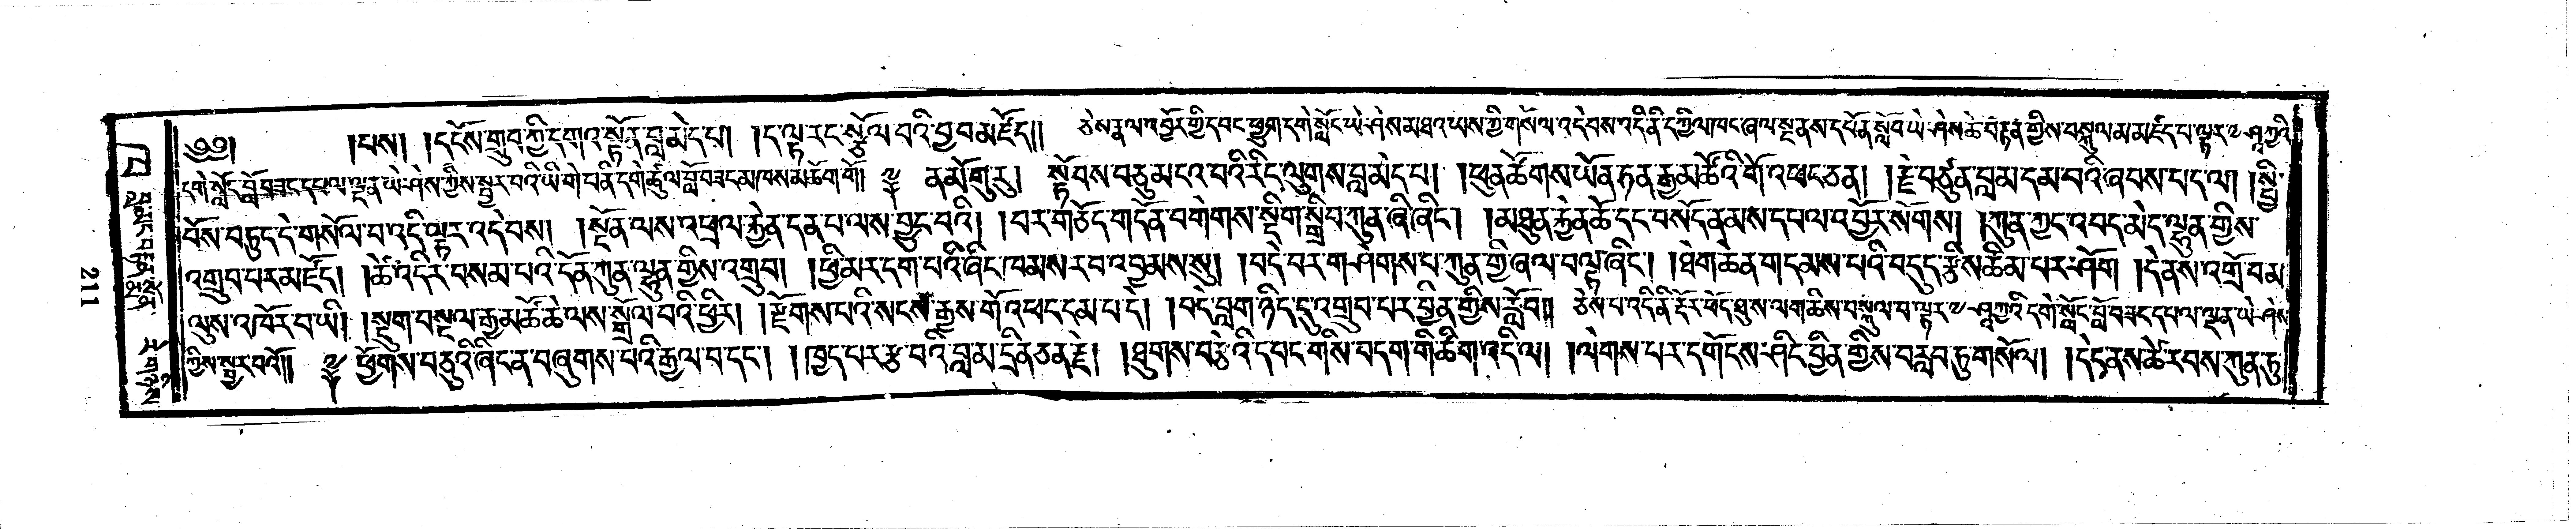༄༅། །པས། །དངོས་གྲུབ་ཀྱི་དགའ་སྟོན་བླ་མེད་པ། །ད་ལྟ་རང་སྩོལ་བའི་བྱ་བ་མཛོད།། ཅེས་རྣལ་འབྱོར་གྱི་དབང་ཕྱུག་དགེ་སློང་ཡེ་ཤེས་མཐའ་ཡས་ཀྱི་གསོལ་འདེབས་འདི་ནི་དཀྱིལ་ཁང་ཞལ་སྔ་ནས་དཔོན་སློབ་ཡེ་ཤེས་ཆེ་བརྟན་གྱིས་བསྐུལ་མ་མཛད་པ་ལྟར་༧་ཤཱཀྱའི་
དགེ་སློང་བློ་བཟང་དཔལ་ལྡན་ཡེ་ཤེས་ཀྱིས་སྦྱར་བའི་ཡི་གེ་པ་ནི་དགེ་ཚུལ་བློ་བཟང་མཁས་མཆོག་གོ། ༈ ན་མོ་གུ་རུ། སྟོབས་བཅུ་མངའ་བའི་རིང་ལུགས་བླ་མེད་པ། །ཕུན་ཚོགས་ཡོན་ཏན་རྒྱ་མཚོའི་གོ་འཕང་ཅན། །རྗེ་བཙུན་བླ་མ་དམ་པའི་ཞབས་པད་ལ། །སྤྱི་
བོས་བཏུད་དེ་གསོལ་བ་འདི་ལྟར་འདེབས། །སྔོན་ལས་འཕྲལ་རྐྱེན་དན་པ་ལས་བྱུང་བའི། །བར་གཅོད་གདོན་བགེགས་སྡིག་སྒྲིབ་ཀུན་ཞི་ཞིང་། །མཐུན་རྐྱེན་ཆོ་དང་བསོད་ནམས་དཔལ་འབྱོར་སོགས། །ཀུན་ཀྱང་འབད་མེད་ལྷུན་གྱིས་
འགྲུབ་པར་མཛོད། །ཚེ་འདིར་བསམ་པའི་དོན་ཀུན་ལྷུན་གྱིས་འགྲུབ། །ཕྱི་མར་དག་པའི་ཞིང་ཁམས་རབ་འབྱམས་སུ། །བདེ་བར་གཤེགས་པ་ཀུན་གྱི་ཞལ་བལྟ་ཞིང་། །ཐེག་ཆེན་གདམས་པའི་བདུད་རྩིས་ཆིམ་པར་ཤོག །དེ་ནས་འགྲོ་བ་མ་
ལུས་འཁོར་བ་ཡི། །སྡུག་བསྔལ་རྒྱ་མཚོ་ཆེ་ལས་སྒྲོལ་བའི་ཕྱིར། །རྫོགས་པའི་སངས་རྒྱས་གོ་འཕང་དམ་པ་དེ། །བདེ་བླག་ཉིད་དུ་འགྲུབ་པར་བྱིན་གྱིས་རློབ།། ཅེས་པ་འདི་ནི་རྡོར་ཕོད་ཐུ་ས་ལག་ཆིས་བསྐུལ་བ་ལྟར་༧་ཤཱཀྱའི་དགེ་སློང་བློ་བཟང་དཔལ་ལྡན་ཡེ་ཤེས་
ཀྱིས་སྦྱར་བའོ།། ༈ ཕྱོགས་བཅུའི་ཞིང་ན་བཞུགས་པའི་རྒྱལ་བ་དང་། །ཁྱད་པར་རྩ་བའི་བླ་མ་དྲིན་ཅན་རྗེ། །ཐུགས་བརྩེའི་དབང་གིས་བདག་གི་ཚིག་འདི་ལ། །ལེགས་པར་དགོངས་ཤིང་བྱིན་གྱིས་བརླབ་ཏུ་གསོལ། །དེང་ནས་ཚེ་རབས་ཀུན་ཏུ་